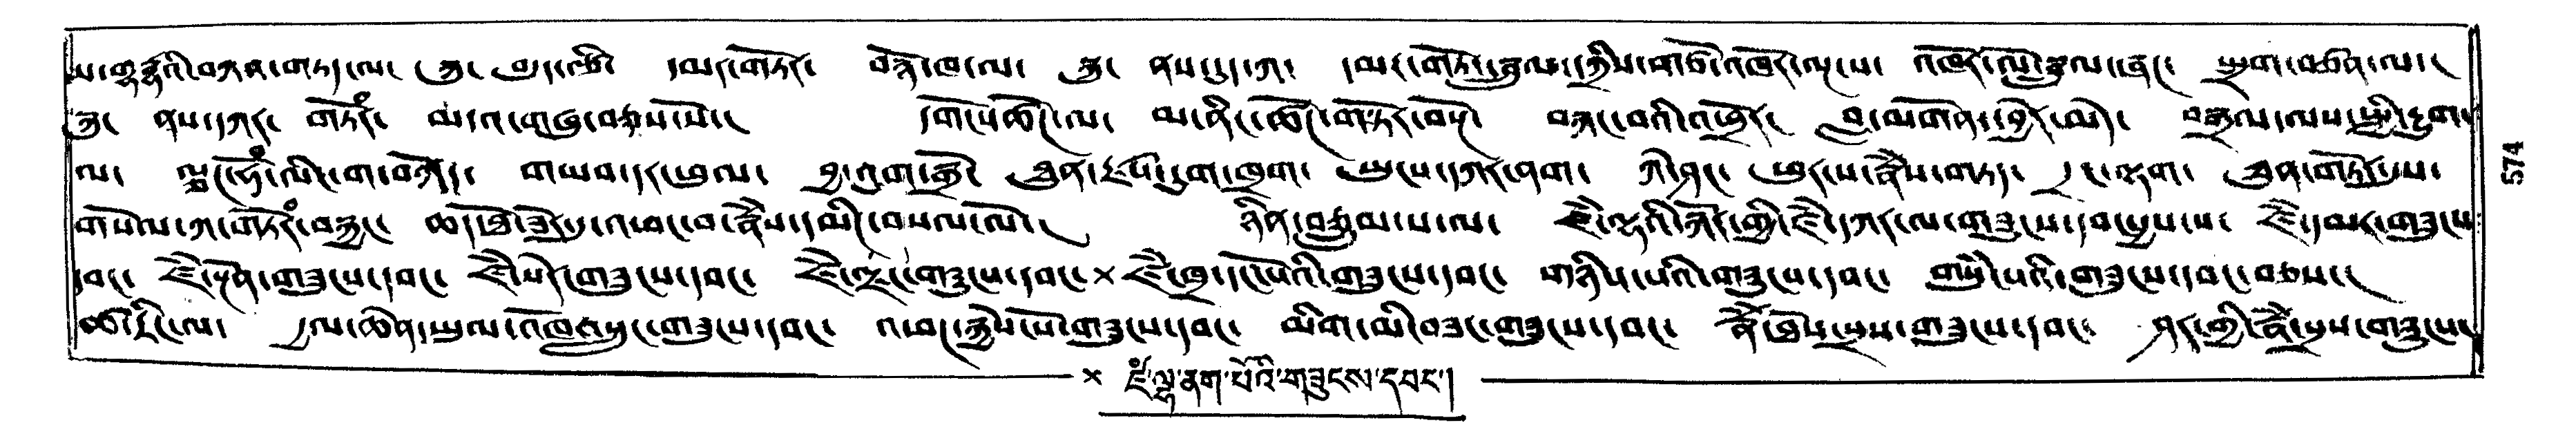སགརྦྷའི་བཀའ་གཏད་ལ། སྐུ། བདུད་རྩི། དམར་གཏོར། བསྙོ་ཁ་ལ། སྐུ། ནས་དུད་ཀ དམར་གཏོར་སྦྲུལ་དཀྲིས་གཙོ་འཁོར་ལྔ་པ། འཁོར་ལོ་སྦྲུལ་ཞགས། སྤྲག་བཙན་ལ། 
སྐུ། ནས་དཀར། གཏོར་མ། མདའ་གཞུ་བཅས་སོ།། དགོང་ཚོགས་ལ། མ་ནིང་ཚོགས་གཏོར་བསྔོ། བསྐང་བའི་འཕྲོར། བླ་མགོན་དབྱེར་མེད། བསྒྲལ་ལས་སྤྱི་རྒྱུག་
ལ། ལྕགས་ཧོཾ་ལིང་ག་བཀོད། གཡབ་དར་ཕུལ། བྱ་འུག་སྒྲོ། ཐུན་རྫས་དུག་ཁྲག ཡུངས་དཀར་ནག ཀེ་ཤང་། ཕུར་པ་རྣམས་གཏད། དྲང་ལྷག ཐུན་གཏོར་དུས་
གསོལ་ཀ་གཏོར་མ་བསྐྱང་། ཆད་ཐོ་ཟོར་དུ་འཕང་བ་རྣམས་དམིགས་བསལ་ལོ། ཉིན་བཅུ་གསུམ་པ་ལ། ཛམ་ལའི་སྐོར་གྱི་ཛམ་དཀར་ལ་གཟུངས་དབང་རྒྱས་པ། ཛམ་དམར་གཟུངས་
དབང་། ཛམ་སྔོན་གཟུངས་དབང་། ཛམ་སེར་གཟུངས་དབང་། ཛམ་ལྗང་གཟུངས་དབང་། ཛཾ་ལ་ནག་པོའི་གཟུངས་དབང་། ཛམ་ཁྲ་དང་པོའི་གཟུངས་དབང་། གཉིས་པའི་གཟུངས་དབང་། གསུམ་པའི་གཟུངས་དབང་བཅས། 
ཚ་རྟིང་ལ། རྒྱལ་ཆེན་ཡུལ་འཁོར་སྲུང་གཟུངས་དབང་།འཕགས་སྐྱེས་པོ་གཟུངས་དབང་། མིག་མི་བཟང་གཟུངས་དབང་། རྣམ་ཐོས་སྲས་གཟུངས་དབང་། ཤར་གྱི་རྣམ་སྲས་གཟུངས་